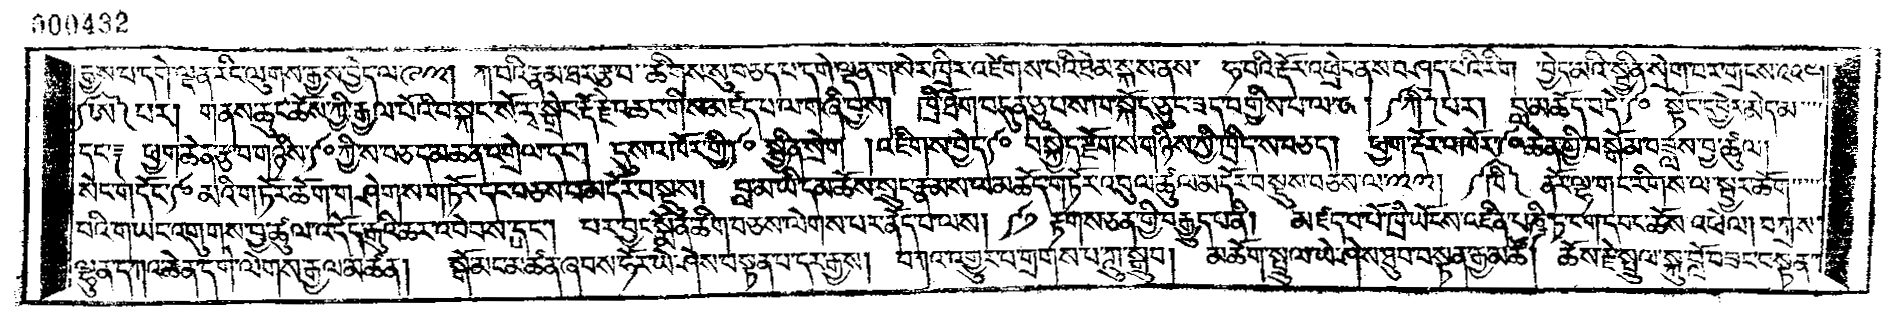རྒྱས་པ་དགེ་ལྡན་རིང་ལུགས་རྒྱས་བྱེད་ལ ༩༣། ཀ་བའི་རྣམ་ཐར་རྩ་བ་ཚིགས་སུ་བཅད་པ་དགེ་ལྡན་གསེར་ཁྲིར་འཛེགས་པའི་ཐེམ་སྐས་ནས་ཧ་བའི་རྡོར་འཕྲེང་ནས་བཤད་པའི་རིག་བྱེད་མའི་སྦྱིན་སྲེག་བར་གྲངས ༢༢༤
༼ཨ༽ པར། གནས་ཆུང་ཆོས་ཀྱི་རྒྱལ་པོའི་བསྐང་སོ་རྭ་སྒྲེང་རྡོ་རྗེ་འཆང་གིས་མཛད་པ་ལ་གཞི་བྱས། ཁྲི་ཐོག་བདུན་ཅུ་པས་ཁ་སྐོང་ཆུང་ཟད་བགྱིས་པ་ལ ༦། ༼ཀི༽ པར། བླ་མཆོད་བདེ་྾་སྟོང་དབྱེར་མེད་མ་
དང༑ ཕྱག་ཆེན་རྩ་བ་གཉིས ༼྾་ཀྱི་ས་བཅད་མཆན་འགྲེལ་དང་། དུས་འཁོར་གྱི་༽྾་སྦྱིན་སྲེག །འཇིགས་བྱེད ༼྾་བསྐྱེད་རྫོགས་གཉིས་ཀྱི་ཁྲིད་ས་བཅད། ཕྱག་རྡོར་འཁོར་༽྾་ཆེན་གྱི་བསྒོམ་བཟླས་བྱ་ཚུལ།
སེང་གདོང ༼྾་མའི་གཏོར་ཆོག་གཤེགས་གཏོར་དང་བཅས་པ་མདོར་བསྡུས། བླ་མ་ཡི་དམ་ཆོས་སྲུང་རྣམས་ལ་མཆོད་གཏོར་འབུལ་ཚུལ་མདོར་བསྡུས་བཅས་ལ ༣༣། ༽ཁི་ནོར་ལྷ་གང་རིགས་ལ་སྦྱར་ཆོག་
པའི་གཡང་འགུགས་བྱ་ཚུལ་འདོད་རྒུའི་ཆར་འབེབས་དང་། པར་བྱང་སྨོན་ཚིག་བཅས་ལེགས་པར་ནོད་པ་ལས། ༡་རྟགས་ཅན་གྱི་བརྒྱུད་པ་ནི། མཛད་པ་པོ་ཁྲི་ཡོངས་འཛིན་པཎྜི་ཏ་ངག་དབང་ཆོས་འཕེལ། བཀྲས་
ལྷུན་དཀའ་ཆེན་དགེ་ལེགས་རྒྱལ་མཚན། སྒོ་མང་མཚན་ཞབས་ཧོར་ཡེ་ཤེས་བསྟན་པ་དར་རྒྱས། བཀའ་འགྱུར་པ་གྲགས་པ་ཀླུ་སྒྲུབ། མཆོག་སྤྲུལ་ཡེ་ཤེས་ཐུབ་བསྟན་རྒྱ་མཚོ། ཆོས་རྗེ་སྤྲུལ་སྐུ་བློ་བཟང་བསྟན་